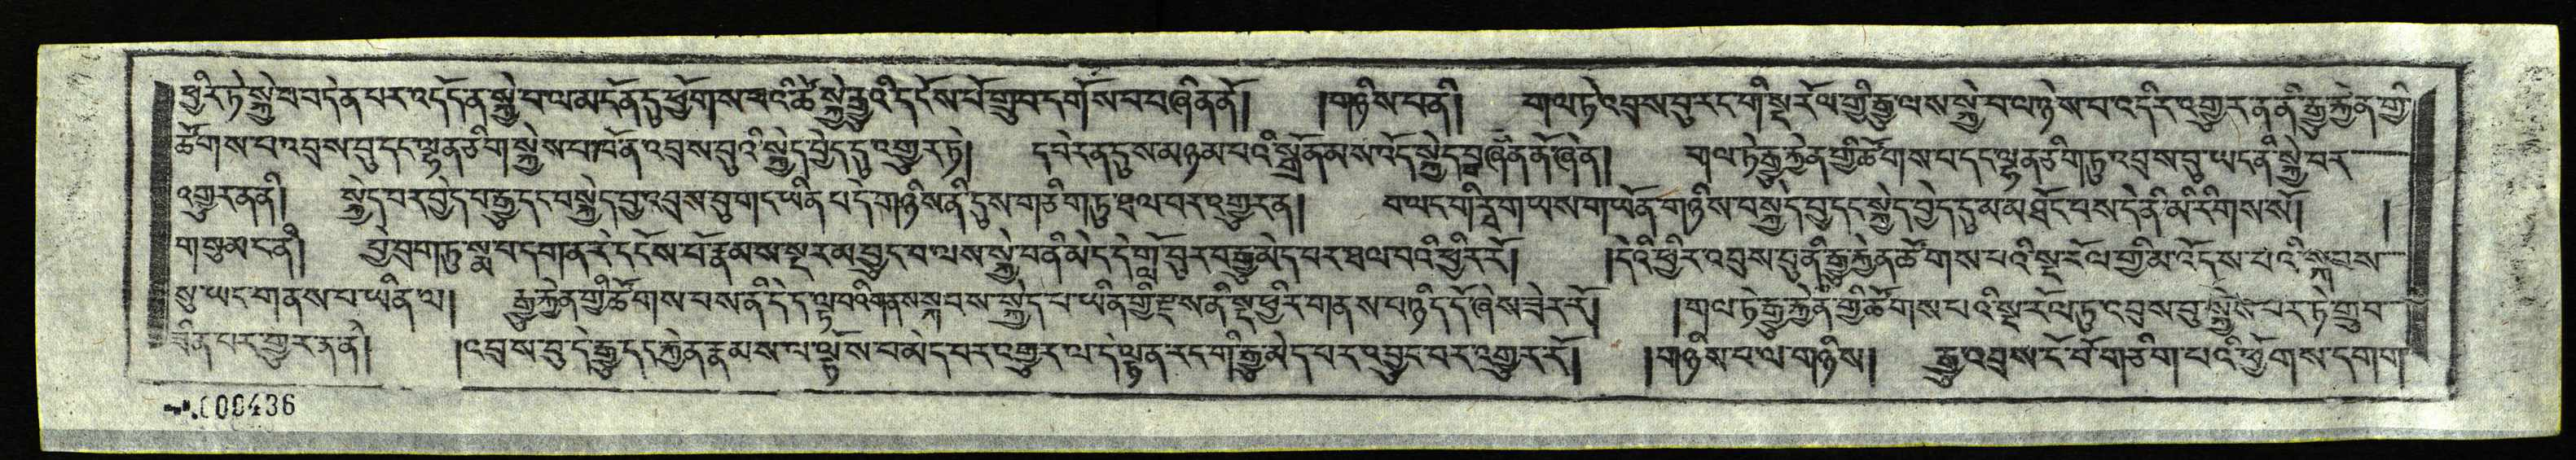ཕྱིར་ཏེ་སྐྱེ་བ་བདེན་པར་འདོད་ན་སྐྱེ་བ་ལ་མངོན་དུ་ཕྱོགས་པའི་ཚེ་སྐྱེ་རྒྱུའི་དངོས་པོ་གྲུབ་དགོས་པ་བཞིན་ནོ། །གཉིས་པ་ནི། གལ་ཏེ་འབྲས་བུ་རང་གི་སྔ་རོལ་གྱི་རྒྱུ་ལས་སྐྱེ་བ་ལ་ཉེས་པ་འདིར་འགྱུར་ན་ནི་རྒྱུ་རྐྱེན་གྱི་
ཚོགས་པ་འབྲས་བུ་དང་ལྷན་ཅིག་སྐྱེས་པ་ཁོ་ན་འབྲས་བུའི་སྐྱེད་བྱེད་དུ་འགྱུར་ཏེ། དཔེར་ན་དུས་མཉམ་པའི་སྒྲོན་མས་འོད་སྐྱེད་པ་བཞིན་ནོ་ཞེ་ན། གལ་ཏེ་རྒྱུ་རྐྱེན་གྱི་ཚོགས་པ་དང་ལྷན་ཅིག་ཏུ་འབྲས་བུ་ཡང་ནི་སྐྱེ་བར་
འགྱུར་ན་ནི། སྐྱེད་པར་བྱེད་པ་རྒྱུ་དང་བསྐྱེད་བྱ་འབྲས་བུ་གང་ཡིན་པ་དེ་གཉིས་ནི་དུས་གཅིག་ཏུ་ཐལ་བར་འགྱུར་ན། བ་ལང་གི་རྭ་གཡས་གཡོན་གཉིས་བསྐྱེད་བྱ་དང་སྐྱེད་བྱེད་དུ་མ་མཐོང་བས་དེ་ནི་མི་རིགས་སོ། །
གསུམ་པ་ནི། བྱེ་བྲག་ཏུ་སྨ་བ་དག་ན་རེ་དངོས་པོ་རྣམས་སྔར་མ་བྱུང་བ་ལས་སྐྱེ་བ་ནི་མེད་དེ་གློ་བུར་བ་རྒྱུ་མེད་པར་ཐལ་བའི་ཕྱིར་རོ། །དེའི་ཕྱིར་འབྲས་བུ་ནི་རྒྱུ་རྐྱེན་ཚོགས་པའི་སྔ་རོལ་གྱི་མ་འོངས་པའི་སྐབས་
སུ་ཡང་གནས་པ་ཡིན་ལ། རྒྱུ་རྐྱེན་གྱི་ཚོགས་པས་ནི་དེ་ད་ལྟ་བའི་གནས་སྐབས་སྐྱེད་པ་ཡིན་གྱི་རྫས་ནི་སྔ་ཕྱིར་གནས་པ་ཉིད་དོ་ཞེས་ཟེར་རོ། །གལ་ཏེ་རྒྱུ་རྐྱེན་གྱི་ཚོགས་པའི་སྔ་རོལ་ཏུ་འབྲས་བུ་སྐྱེས་པར་ཏེ་གྲུབ་
ཟིན་པར་གྱུར་ན་ནི། །འབྲས་བུ་དེ་རྒྱུ་དང་རྐྱེན་རྣམས་ལ་ལྟོས་པ་མེད་པར་འགྱུར་ལ་དེ་ལྟ་ན་རང་གི་རྒྱུ་མེད་པར་འབྱུང་བར་འགྱུར་རོ། །གཉིས་པ་ལ་གཉིས། རྒྱུ་འབྲས་ངོ་བོ་གཅིག་པའི་ཕྱོགས་དགག་